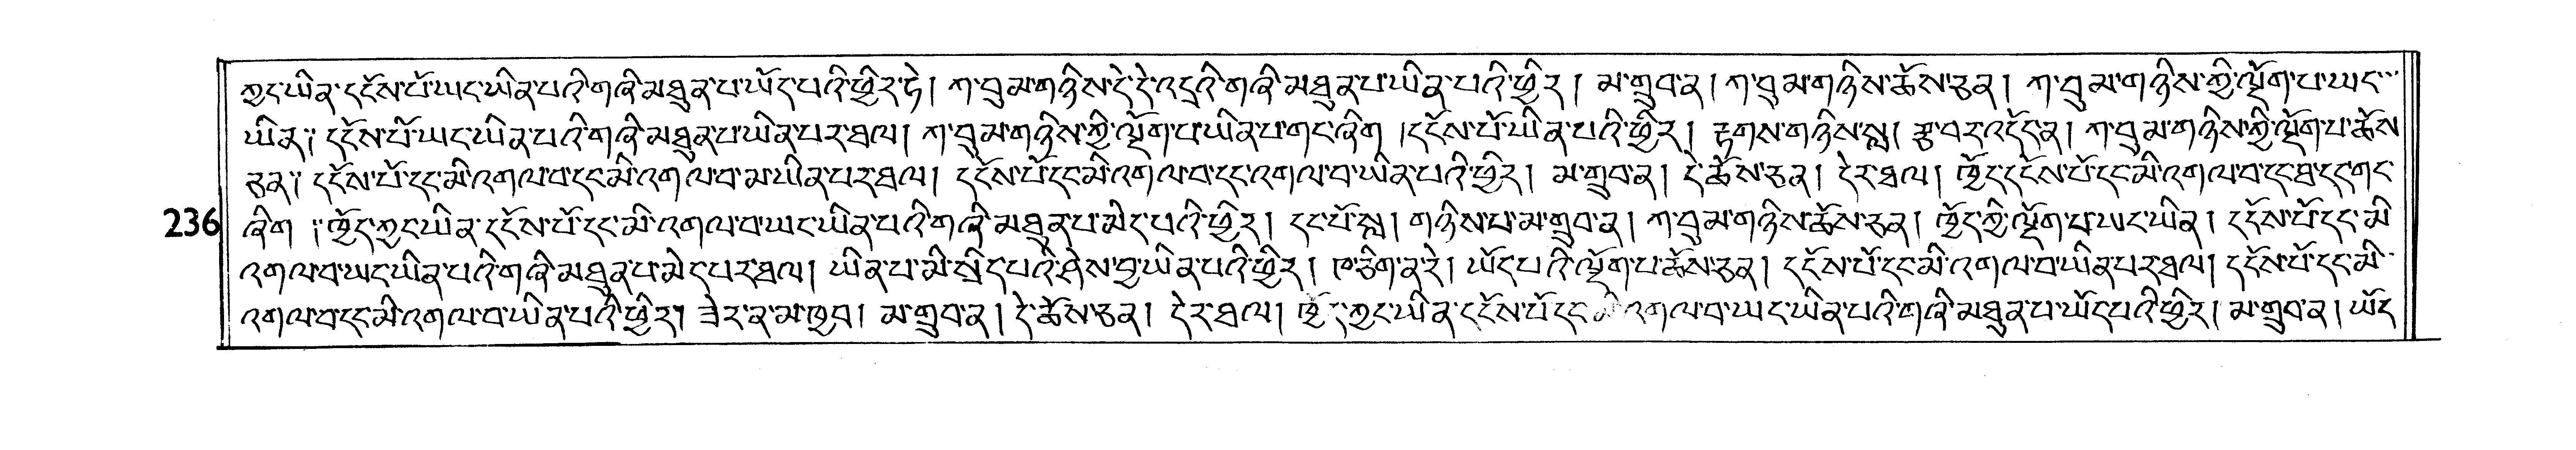ཀྱང་ཡིན་དངོས་པོ་ཡང་ཡིན་པའི་གཞི་མཐུན་པ་ཡོད་པའི་ཕྱིར་ཏེ། ཀ་བུམ་གཉིས་དེ་དེ་འདྲའི་གཞི་མཐུན་པ་ཡིན་པའི་ཕྱིར། མ་གྲུབ་ན། ཀ་བུམ་གཉིས་ཆོས་ཅན། ཀ་བུམ་གཉིས་ཀྱི་ལྡོག་པ་ཡང་
ཡིན༑ དངོས་པོ་ཡང་ཡིན་པའི་གཞི་མཐུན་པ་ཡིན་པར་ཐལ། ཀ་བུམ་གཉིས་ཀྱི་ལྡོག་པ་ཡིན་པ་གང་ཞིག །དངོས་པོ་ཡིན་པའི་ཕྱིར། རྟགས་གཉིས་སླ། རྩ་བར་འདོད་ན། ཀ་བུམ་གཉིས་ཀྱི་ལྡོག་པ་ཆོས་
ཅན༑ དངོས་པོ་དང་མི་འགལ་བ་དང་མི་འགལ་བ་མ་ཡིན་པར་ཐལ། དངོས་པོ་དང་མི་འགལ་བ་དང་འགལ་བ་ཡིན་པའི་ཕྱིར། མ་གྲུབ་ན། དེ་ཆོས་ཅན། དེར་ཐལ། ཁྱོད་དངོས་པོ་དང་མི་འགལ་བ་དང་ཐ་དད་གང་
ཞིག ༑ཁྱོད་ཀྱང་ཡིན་དངོས་པོ་དང་མི་འགལ་བ་ཡང་ཡིན་པའི་གཞི་མཐུན་པ་མེད་པའི་ཕྱིར། དང་པོ་སླ། གཉིས་པ་མ་གྲུབ་ན། ཀ་བུམ་གཉིས་ཆོས་ཅན། ཁྱོད་ཀྱི་ལྡོག་པ་ཡང་ཡིན། དངོས་པོ་དང་མི་
འགལ་བ་ཡང་ཡིན་པའི་གཞི་མཐུན་པ་མེད་པར་ཐལ། ཡིན་པ་མི་སྲིད་པའི་ཤེས་བྱ་ཡིན་པའི་ཕྱིར། ཁ་ཅིག་ན་རེ། ཡོད་པའི་ལྡོག་པ་ཆོས་ཅན། དངོས་པོ་དང་མི་འགལ་བ་ཡིན་པར་ཐལ། དངོས་པོ་དང་མི་
འགལ་བ་དང་མི་འགལ་བ་ཡིན་པའི་ཕྱིར། ཟེར་ན་མ་ཁྱབ། མ་གྲུབ་ན། དེ་ཆོས་ཅན། དེར་ཐལ། ཁྱོད་ཀྱང་ཡིན་དངོས་པོ་དང་མི་འགལ་བ་ཡང་ཡིན་པའི་གཞི་མཐུན་པ་ཡོད་པའི་ཕྱིར། མ་གྲུབ་ན། ཡོད་